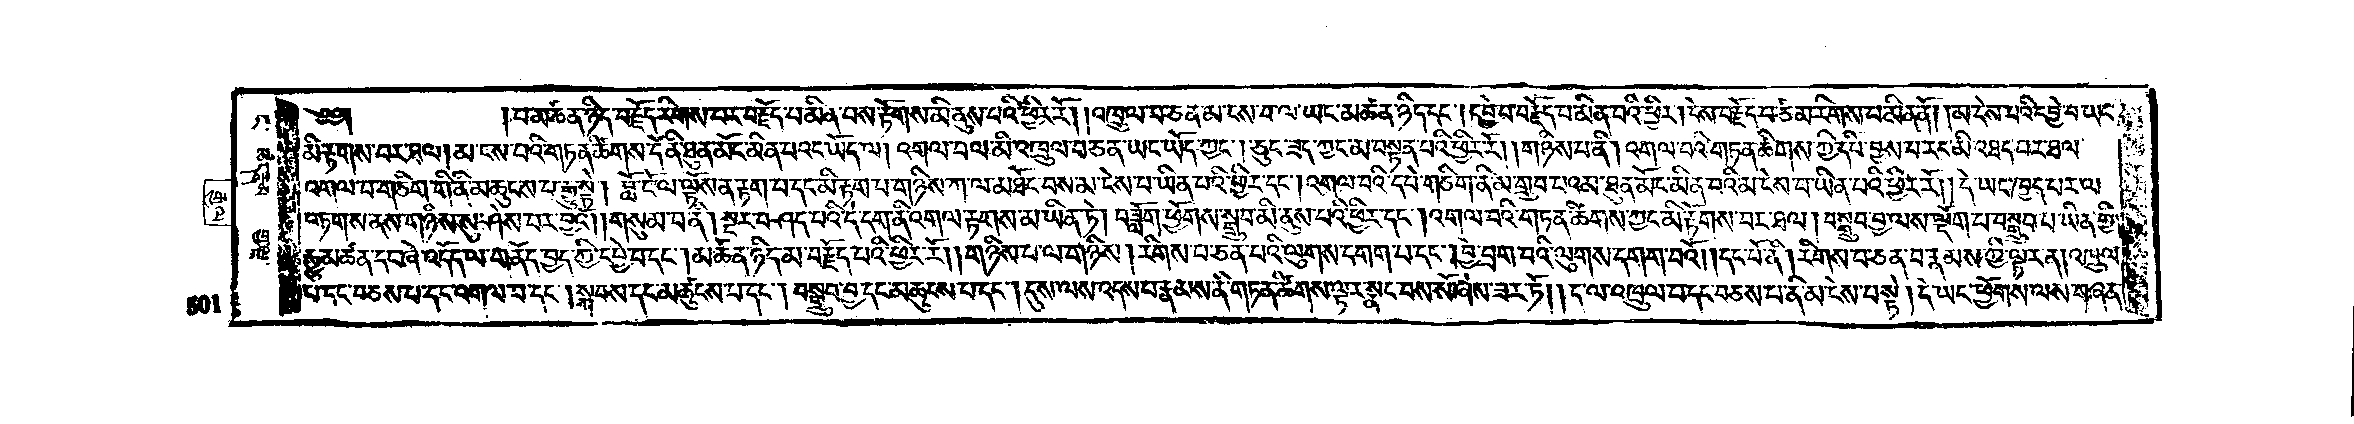༄༅། །པ་མཚན་ཉིད་བརྗོད་རིགས་པར་བརྗོད་པ་མིན་པས་རྟོགས་མི་ནུས་པའི་ཕྱིར་རོ། །འཁྲུལ་པ་ཅན་མ་ངེས་པ་ལ་ཡང་མཚན་ཉིད་དང་། དབྱེ་བ་བརྗོད་པ་མིན་པའི་ཕྱིར། ངེས་བརྗོད་པ་ཙམ་རིགས་པ་མིན་ནོ། །མ་ངེས་པའི་དབྱེ་བ་ཡང་
མི་རྟགས་པར་ཐལ། མ་ངེས་པའི་གཏན་ཚིགས་དོ་ནི་ཐུན་མོང་མིན་པའང་ཡོད་ལ། འགལ་བ་ལ་མི་འཁྲུལ་བ་ཅན་ཡང་ཡོད་ཀྱང་། ཅུང་ཟད་ཀྱང་མ་བསྟན་པའི་ཕྱིར་རོ། །གཉིས་པ་ནི། འགལ་བའི་གཏན་ཚིགས་ཀྱི་དཔེ་བྱས་པ་རང་མི་འཐད་པར་ཐལ་
འགལ་བ་གཅིག་གི་ནི་མཚུངས་པ་རྒྱུ་སྟེ། བློ་ངོ་ལ་ལྟོས་ན་རྟག་པ་དང་མི་རྟག་པ་གཉིས་ཀ་ལ་མཐོང་བས་མ་ངེས་པ་ཡིན་པའི་ཕྱིར་དང་། གལ་བའི་དཔེ་གཅིག་ནི་མ་གྲུབ་པའམ་ཐུན་མོང་མིན་པའི་མ་ངེས་པ་ཡིན་པའི་ཕྱིར་རོ། །དེ་ཡང་ཁྱད་པར་ལ་
བཏགས་ནས་གཉིས་སུ་ཤེས་པར་བྱའོ། །གསུམ་པ་ནི། སྔ་བཤད་པའི་དེ་དག་ནི་འགལ་རྟགས་མ་ཡིན་ཏེ། བཟློག་ཕྱོགས་སྒྲུབ་མི་ནུས་པའི་ཕྱིར་དང་། འགལ་བའི་གཏན་ཚིགས་ཀྱང་མི་རྟོགས་པར་ཐལ། བསྒྲུབ་བྱ་ལས་ལྡོག་པ་བསྒྲུབ་པ་ཡིན་གྱི་།
རྒྱུ་མཚན་དང་ཞེས་འདོད་ལ་གནོད་བྱད་ཀྱི་དབྱེ་བ་དང་། མཚན་ཉིད་མ་བརྗོད་པའི་ཕྱིར་རོ། །གཉིས་པ་ལ་གཉིས། རིགས་པ་ཅན་པའི་ལུགས་དགག་པ་དང་། བྱེ་བྲག་པའི་ལུགས་དགག་པའོ། །དང་པོ་ནི། རིགས་པ་ཅན་པ་རྣམས་ཀྱི་ལྟར་ན། འཁྲུལ་
པ་དང་བཅས་པ་དང་འགལ་བ་དང་། སྐབས་དང་མཚུངས་པ་དང་། བསྒྲུབ་བྱ་དང་མཚུངས་པ་དང་། དུས་ལས་འདས་པ་རྣམས་ནི་གཏན་ཚིགས་ལྟར་སྣང་བས་སོ་ཞེས་ཟེར་ཏོ། །དེ་ལ་འཁྲུལ་པ་དང་བཅས་པ་ནི་མ་ངེས་པ་སྟེ། དེ་ཡང་ཕྱོགས་ལས་གཞན་